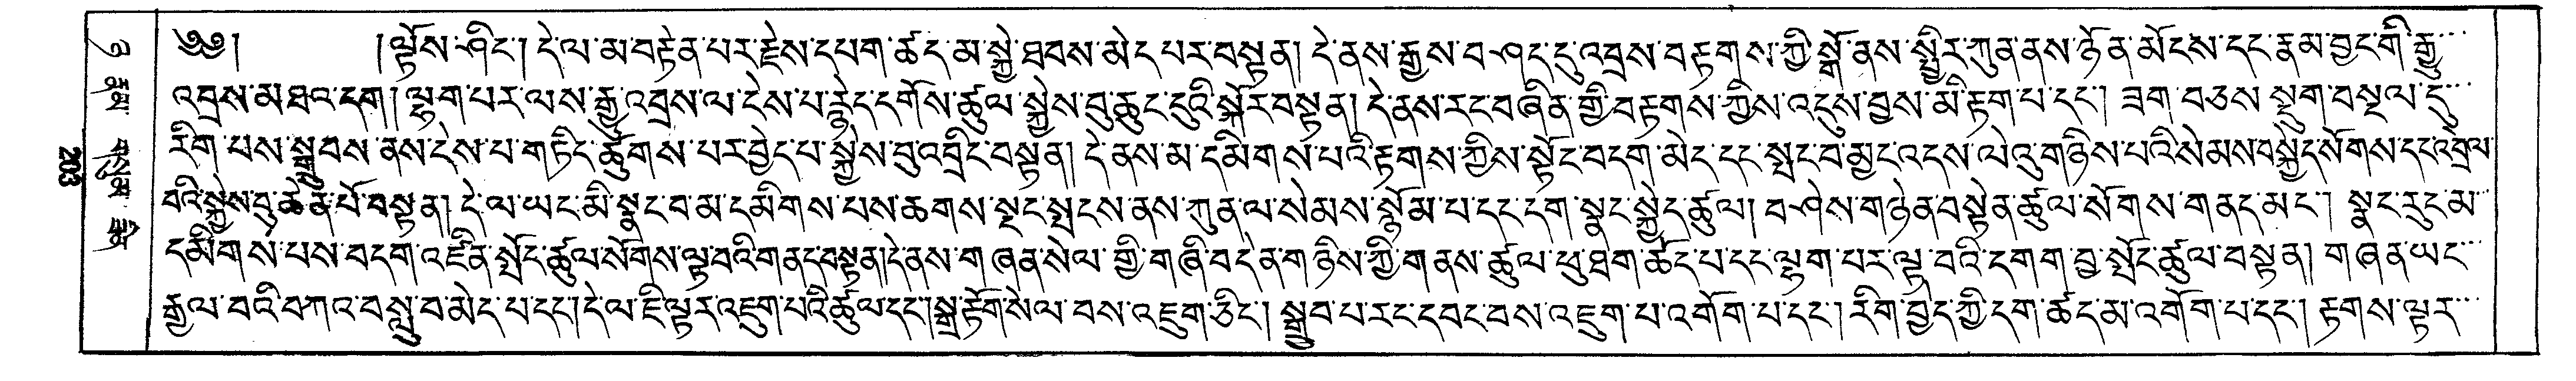༄༅། །ལྟོས་ཤིང་། དེ་ལ་མ་བརྟེན་པར་རྗེས་དཔག་ཚད་མ་སྐྱེ་ཐབས་མེད་པར་བསྟན། དེ་ནས་རྒྱས་བཤད་དུ་འབྲས་བརྟགས་ཀྱི་སྒོ་ནས་སྤྱིར་ཀུན་ནས་ཉོན་མོངས་དང་རྣམ་བྱང་གི་རྒྱུ་
འབྲས་མཐའ་དག། ལྷག་པར་ལས་རྒྱུ་འབྲས་ལ་ངེས་པ་རྙེད་དགོས་ཚུལ་སྐྱེས་བུ་ཆུང་ངུའི་སྐོར་བསྟན། དེ་ནས་རང་བཞིན་གྱི་བརྟགས་ཀྱིས་འདུས་བྱས་མི་རྟག་པ་དང་། ཟག་བཅས་སྡུག་བསྔལ་དུ་
རིག་པས་སྒྲུབས་ནས་ངེས་པ་གཏིང་ཚུགས་པར་བྱེད་པ་སྐྱེས་བུ་འབྲིང་བསྟན། དེ་ནས་མ་དམིགས་པའི་རྟགས་ཀྱིས་སྟོད་བདག་མེད་དང་སྤང་བ་མྱང་འདས་ལེའུ་གཉིས་པའི་སེམས་བསྐྱེད་སོགས་དང་འབྲེལ་
བའི་སྐྱེས་བུ་ཆེན་པོ་བསྟན། དེ་ལ་ཡང་མི་སྣང་བ་མ་དམིགས་པས་ཆགས་སྡང་སྤངས་ནས་ཀུན་ལ་སེམས་སྙོམ་པ་དང་དག་སྣང་སྐྱེད་ཚུལ། བཤེས་གཉེན་བསྟེན་ཚུལ་སོགས་གནད་མད། སྣང་རུང་མ་
དམིགས་པས་བདག་འཛིན་སྤོང་ཚུལ་སོགས་ལྟ་བའི་གནང་བསྟན། དེ་ནས་གཞན་སེལ་གྱི་གཞི་བདེན་གཉིས་ཀྱི་གནས་ཚུལ་ཕུ་ཐག་ཆོད་པ་དང་ལྷག་པར་ལྟ་བའི་དགག་བྱ་སྤོང་ཚུལ་བསྟན། གཞན་ཡང་
རྒྱལ་བའི་བཀའ་བསླུ་བ་མེད་པ་དང་། དེ་ལ་ཇི་ལྟར་འཇུག་པའི་ཚུལ་དང་། སྒྲ་རྟོག་སེལ་བས་འཇུག་ཅིང་། སྒྲུབ་པ་རང་དབང་བས་འཇུག་པ་འགོག་པ་དང་། རིག་བྱེད་ཀྱི་ངག་ཚད་མ་འགོག་པ་དང་། རྟགས་ལྟར་